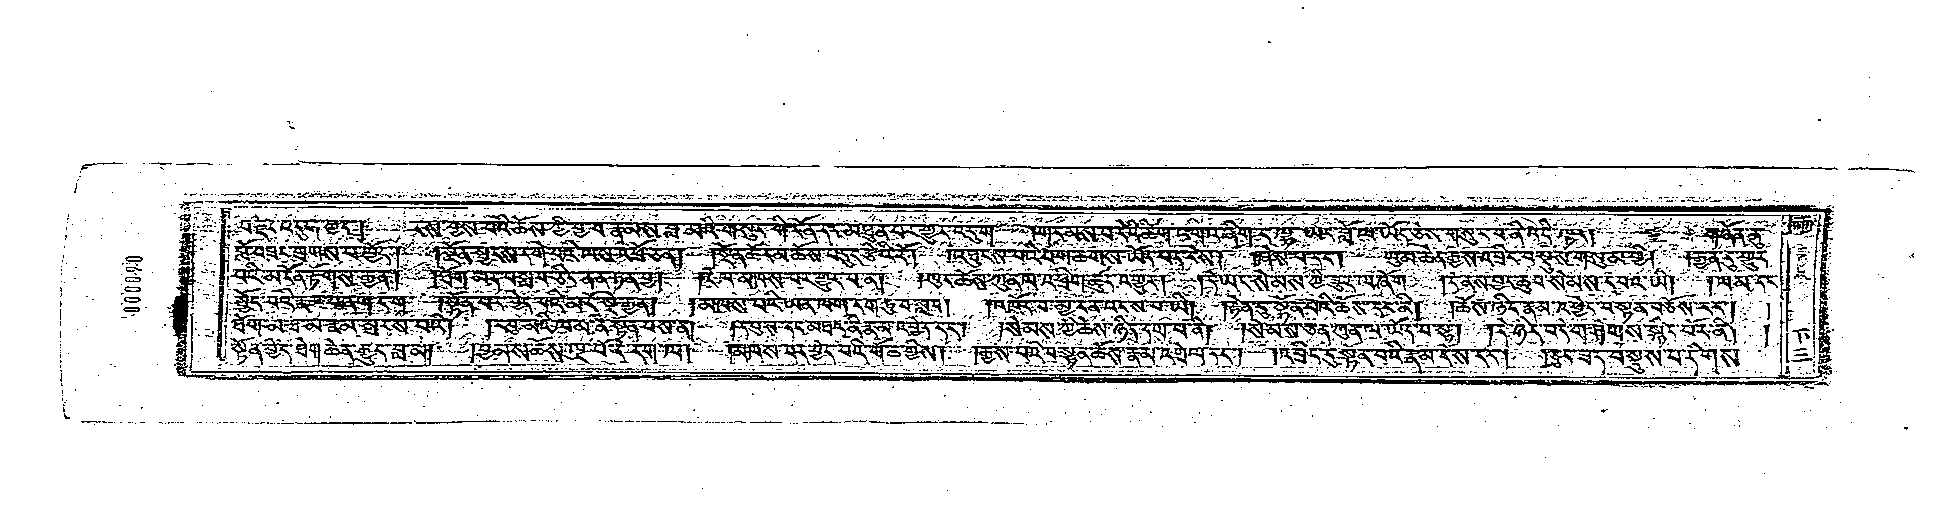བརྗོད་འདུག་ཀྱང་། ངས་བྱས་པའི་ཆོས་ཀྱི་བྱ་བ་རྣམས་བླ་མའི་གསུང་གི་དོན་དང་མཐུན་པར་གྱུར་འདུག །གདམས་བ་དེའི་ཚིག་འགའ་ཞིག་ད་ལྟ་ཡང་བློ་ལ་ཡོད་ཅེས་གསུང་བ་ནི་འདི་ལྟར། ༈ གཞོན་ཆུ་
བློ་བཟང་གྲགས་པ་ཁྱོད། །སྔོན་སྤྱངས་དགེ་བའི་ལས་འཕྲོད་ཅན། །སྔོན་ཚེ་དམ་ཆོས་བདུད་རྩིའི་རོ། །འཐུངས་པའི་བག་ཆགས་ཡོད་པར་ངེས། །ཞེས་པ་དང་། ཡུམ་ཆེན་རྒྱས་འབྲིང་བསྡུས་གསུམ་གྱི། །རྒྱན་དུ་གྱུར་
བའི་མངོན་རྟོགས་རྒྱན། །ཐོག་མར་བསླབ་ཅིང་ནན་ཏན་བྱ། །དེ་ལ་མཁས་པར་གྱུར་པ་ན། །ལུང་ཆོས་ཀུན་ལ་འཕྲིག་ཚུང་འགྱུར། །དེ་ཡང་སེམས་ཀྱི་ཟུར་ལ་ཞོག །དེ་ནས་བྱང་ཆུབ་སེམས་དཔའ་ཡི། །ལམ་དང་
སྤྱོད་པའི་རྣམ་བཞག་ངག །སྟོན་པར་བྱེད་པའི་མདོ་སྡེ་རྒྱན། །མཁས་པའི་ཡན་ལག་དག་ཏུ་བསླབ། །འཁོར་བ་མྱ་ངན་འདས་བ་ཡི། །རྟེན་དུ་སྟོན་པའི་ཆོས་དང་ནི། །ཆོས་ཉིད་རྣམ་འཕྱེད་བསྟན་བཅོས་དང་།
ཐོག་མ་ཐ་མ་རྣམ་སྤངས་པའི། །དབུ་མའི་ལམ་ནི་སྟོན་བས་ན། །དབུས་དང་མཐའ་ནི་རྣམ་འབྱེད་དང་། །སེམས་ཀྱི་ཆེས་ཉིད་དག་པ་ནི། །སེམས་ཅན་ཀུན་ལ་ཡོད་པ་སྟ། །དེ་ཉིད་བདེ་གཤེགས་སྙིང་པོར་ནི། །
སྟོན་བྱེད་ཐེག་ཆེན་རྒྱུད་བླ་མ། །བྱམས་ཆོས་ལྔ་པོ་དེ་དག་ལ། །མཁས་བར་བྱེད་པའི་གོ་ཆ་གྱིས། །རྒྱས་པའི་བསྟན་ཆོས་རྣམ་འགྲེལ་དང་། །འབྲིང་དུ་སྟོན་པའི་རྣམ་ངེས་དང་། །ཅུང་ཟད་བསྡུས་པ་རིགས་